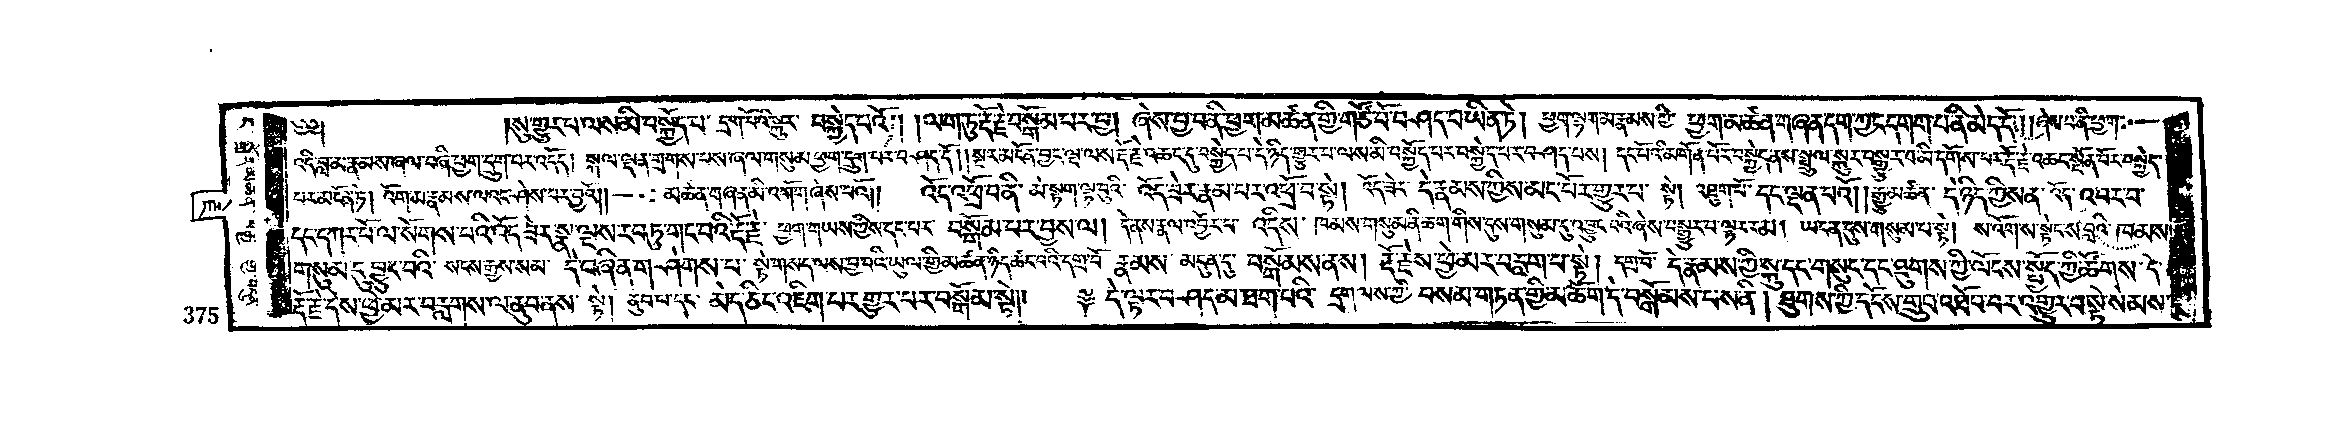༄༅། །སུ་གྱུར་པ་ལས་མི་བསྐྱོད་པ་དྲག་པོའི་སྐུར་བསྐྱེད་པའོ། །ལག་ཏུ་རྡོ་རྗེ་བསྒོམ་པར་བྱ། ཞེས་བྱ་བ་ནི་ཕྱག་མཚན་གྱི་གཙོ་བོ་བཤད་པ་ཡིན་ཏེ། ཕྱག་ལྷག་མ་རྣམས་ཀྱི་ཕྱག་མཚན་གཞན་དག་ཀྱང་དགག་པ་ནི་མེད་དོ། །ཞེས་པ་ནི་ཕྱག་
འདི་བླ་མ་རྣམས་ཞལ་བཞི་ཕྱག་དྲུག་པར་འདོད། སྐལ་ལྡན་གྲགས་པས་ཞལ་གསུམ་ཕྱག་དྲུག་པར་བཤད་དོ། །སྔར་མངོན་བྱང་ལྔ་ལས་རྡོ་རྗེ་འཆང་དུ་བསྐྱེད་པ་དེ་ཉིད་གྱུར་པ་ལས་མི་བསྐྱོད་པར་བསྐྱེད་པར་བཤད་པས། དང་པོའི་མགོན་པོར་བསྐྱེད་ནས་སྤྲུལ་སྐུར་བསྒྱུར་བ་མི་དགོས་པར་རྡོ་རྗེ་འཆང་སྔོན་པོར་བསྐྱེད་
པར་མངོན་ཏེ། འོག་མ་རྣམས་ལའང་ཤེས་པར་བྱའོ།། མཚན་གཞན་མི་འགོག་ཞེས་པའོ།། འོད་འཕྲོ་བ་ནི་མེ་སྟག་ལྟ་བུའི་འོད་ཟེར་རྣམ་པར་འཕྲོ་བ་སྟེ། འོད་ཟེར་དེ་རྣམས་ཀྱིས་མང་པོར་གྱུར་པ་སྟེ། འཐུག་པོ་དང་ལྡན་པའོ། ། རྒྱུ་མཚན་དེ་ཉིད་ཀྱིས་ན་འོད་འབར་བ་
དང་དཀར་པོ་ལ་སོགས་པའི་འོད་ཟེར་སྣ་ལྔས་རབ་ཏུ་གང་བའི་རྡོ་རྗེ་ཕྱག་གཡས་ཀྱིས་དང་པོར་བསྒོམ་པར་བྱས་ལ། དེ་ནས་རྣལ་འབྱོར་པ་འདིས་ཁམས་གསུམ་ནི་ཆག་གིས་དུས་གསུམ་དུ་འབྱུང་བའི་ཞེས་བསྒྱུར་བ་ལྟར་རམ། ཡང་ན་དུས་གསུམ་པ་སྟེ། ས་འོག་ས་སྟེང་ས་བླའི་ཁམས་
གསུམ་དུ་བྱུང་བའི་སངས་རྒྱས་སམ་དེ་བཞིན་གཤེགས་པ་སྟེ་གསད་ལས་བྱ་བའི་ཡུལ་གྱི་མཚན་ཉིད་ཚང་བའི་དགྲ་བོ་རྣམ་མདུན་དུ་བསྒོམས་ནས། རྡོ་རྗེས་ཕྱེ་མར་བརླག་པ་སྟེ། དགྲ་བོ་དེ་རྣམས་ཀྱི་སྐུ་དང་གསུང་དང་ཐུགས་ཀྱི་ལོངས་སྤྱོད་ཀྱི་ཚོགས་དེ
རྡོ་རྗེ་དེས་ཕྱི་མར་བརླགས་ལ་ནུབ་ནས་སྟེ། ནུབ་པ་དང་མེད་ཅིང་འཇོག་པར་གྱུར་པར་བསྒོམ་སྟེ།། ༈ དེ་ལྟར་བཤད་མ་ཐག་པའི་དྲག་ལས་ཀྱི་བསམ་གཏན་གྱི་མཆོག་དེ་བསྒོམས་པས་ནི། ཐུགས་ཀྱི་དངོས་གྲུབ་འཐོབ་པར་འགྱུར་པ་སྟ་སེམས་